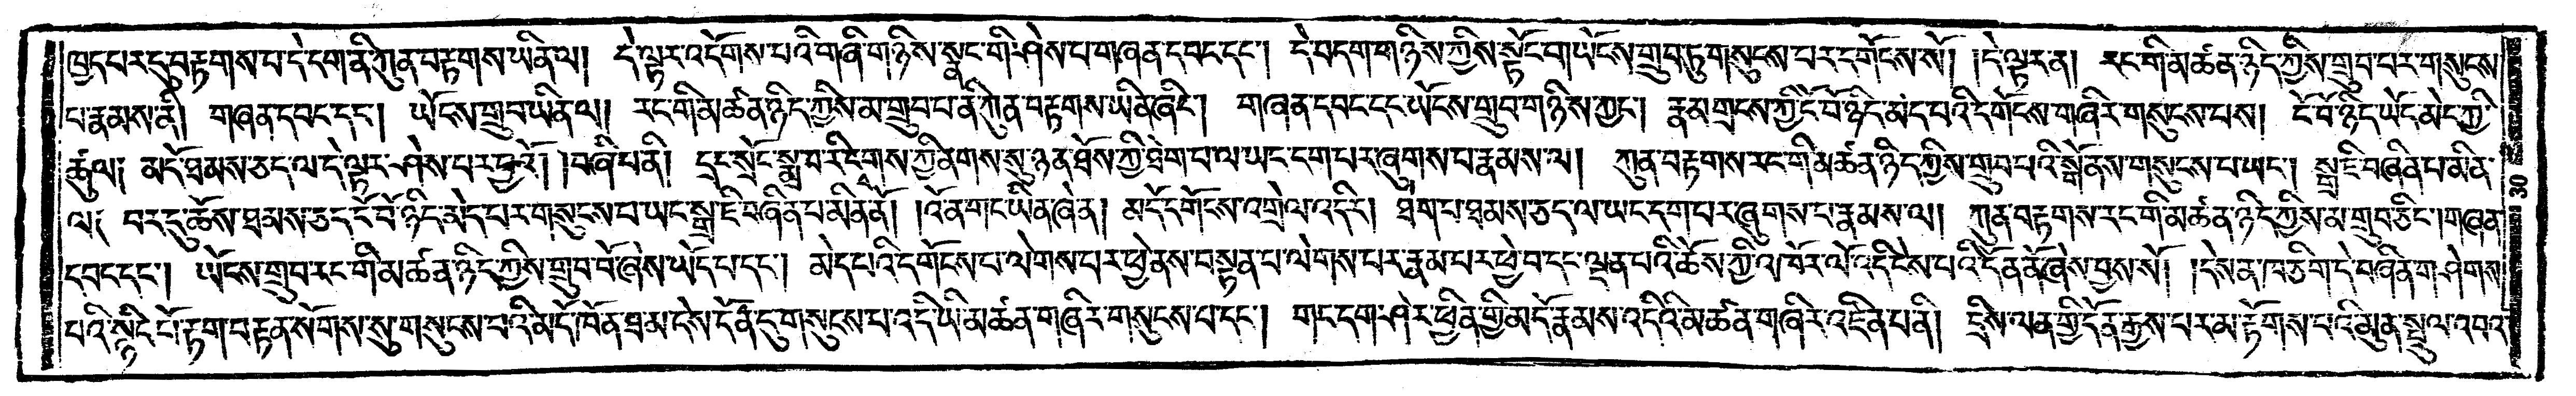ཁྱད་པར་དུ་བརྟགས་པ་དེ་དག་ནི་ཀུན་བརྟགས་ཡིན་ལ། དེ་ལྟར་འདོགས་པའི་གཞི་གཉིས་སྣང་གི་ཤེས་པ་གཞན་དབང་དང་། དེ་བདག་གཉིས་ཀྱིས་སྟོང་པ། ཡོངས་གྲུབ་ཏུ་གསུངས་པར་དགོངས་སོ། །དེ་ལྟར་ན། རང་གི་མཚན་ཉིད་ཀྱིས་གྲུབ་པར་གསུངས་
པ་རྣམས་ནི། གཞན་དབང་དང་། ཡོངས་གྲུབ་ཡིན་ལ། རང་གི་མཚན་ཉིད་ཀྱིས་མ་གྲུབ་པ་ནི་ཀུན་བརྟགས་ཡིན་ཞིང་། གཞན་དབང་དང་ཡོངས་གྲུབ་གཉིས་ཀྱང་། རྣམ་གྲངས་ཀྱི་ངོ་བོ་ཉིད་མེད་པའི་དགོངས་གཞིར་གསུངས་པས། ངོ་བོ་ཉིད་ཡོད་མེད་ཀྱི་
ཚུལ། མདོ་ཐམས་ཅད་ལ་དེ་ལྟར་ཤེས་པར་བྱའོ། །བཞི་པ་ནི། དྲང་སྲོང་སྨྲ་བ་རི་དྭགས་ཀྱི་ནགས་སུ་ཉན་ཐོས་ཀྱི་ཐེག་པ་ལ་ཡང་དག་པར་ཞུགས་པ་རྣམས་ལ། ཀུན་བརྟགས་རང་གི་མཚན་ཉིད་ཀྱིས་གྲུབ་པའི་སྒོ་ནས་གསུངས་པ་ཡང་། སྒྲ་ཇི་བཞིན་པ་མིན་
ལ། བར་དུ་ཆོས་ཐམས་ཅད་ངོ་བོ་ཉིད་མེད་པར་གསུངས་པ་ཡང་སྒྲ་ཇི་བཞིན་པ་མིན་ནོ། །འོ་ན་གང་ཡིན་ཞེ་ན། མདོ་དགོངས་འགྲེལ་འདིར། ཐེག་པ་ཐམས་ཅད་ལ་ཡང་དག་པར་ཞུགས་པ་རྣམས་ལ། ཀུན་བརྟགས་རང་གི་མཚན་ཉིད་ཀྱིས་མ་གྲུབ་ཅིང་། གཞན་
དབང་དང་། ཡོངས་གྲུབ་རང་གི་མཚན་ཉིད་ཀྱིས་གྲུབ་བོ་ཞེས་ཡོད་པ་དང་། མེད་པའི་དགོངས་པ་ལེགས་པར་ཕྱེ་ནས་བསྟན་པ་ལེགས་པར་རྣམ་པར་ཕྱེ་བ་དང་ལྡན་པའི་ཆོས་ཀྱི་འཁོར་ལོ་འདི་ངེས་པའི་དོན་ནོ་ཞེས་བྱས་སོ། །དེས་ན་ཁ་ཅིག་དེ་བཞིན་གཤེགས་
པའི་སྙིང་པོ་རྟག་བརྟན་སོགས་སུ་གསུངས་པའི་མདོ་ཁོ་ན་ཐ་མ་ངེས་དོན་དུ་གསུངས་པ་འདི་ཡི་མཚན་གཞིར་གསུངས་པ་དང་། གང་དག་ཤེར་ཕྱིན་གྱི་མདོ་རྣམས་འདིའི་མཚན་གཞིར་འཛིན་པ་ནི། དྲིས་ལན་གྱི་དོན་རྒྱས་པར་མ་རྟོགས་པའི་མུན་སྤྲུལ་འབའ་